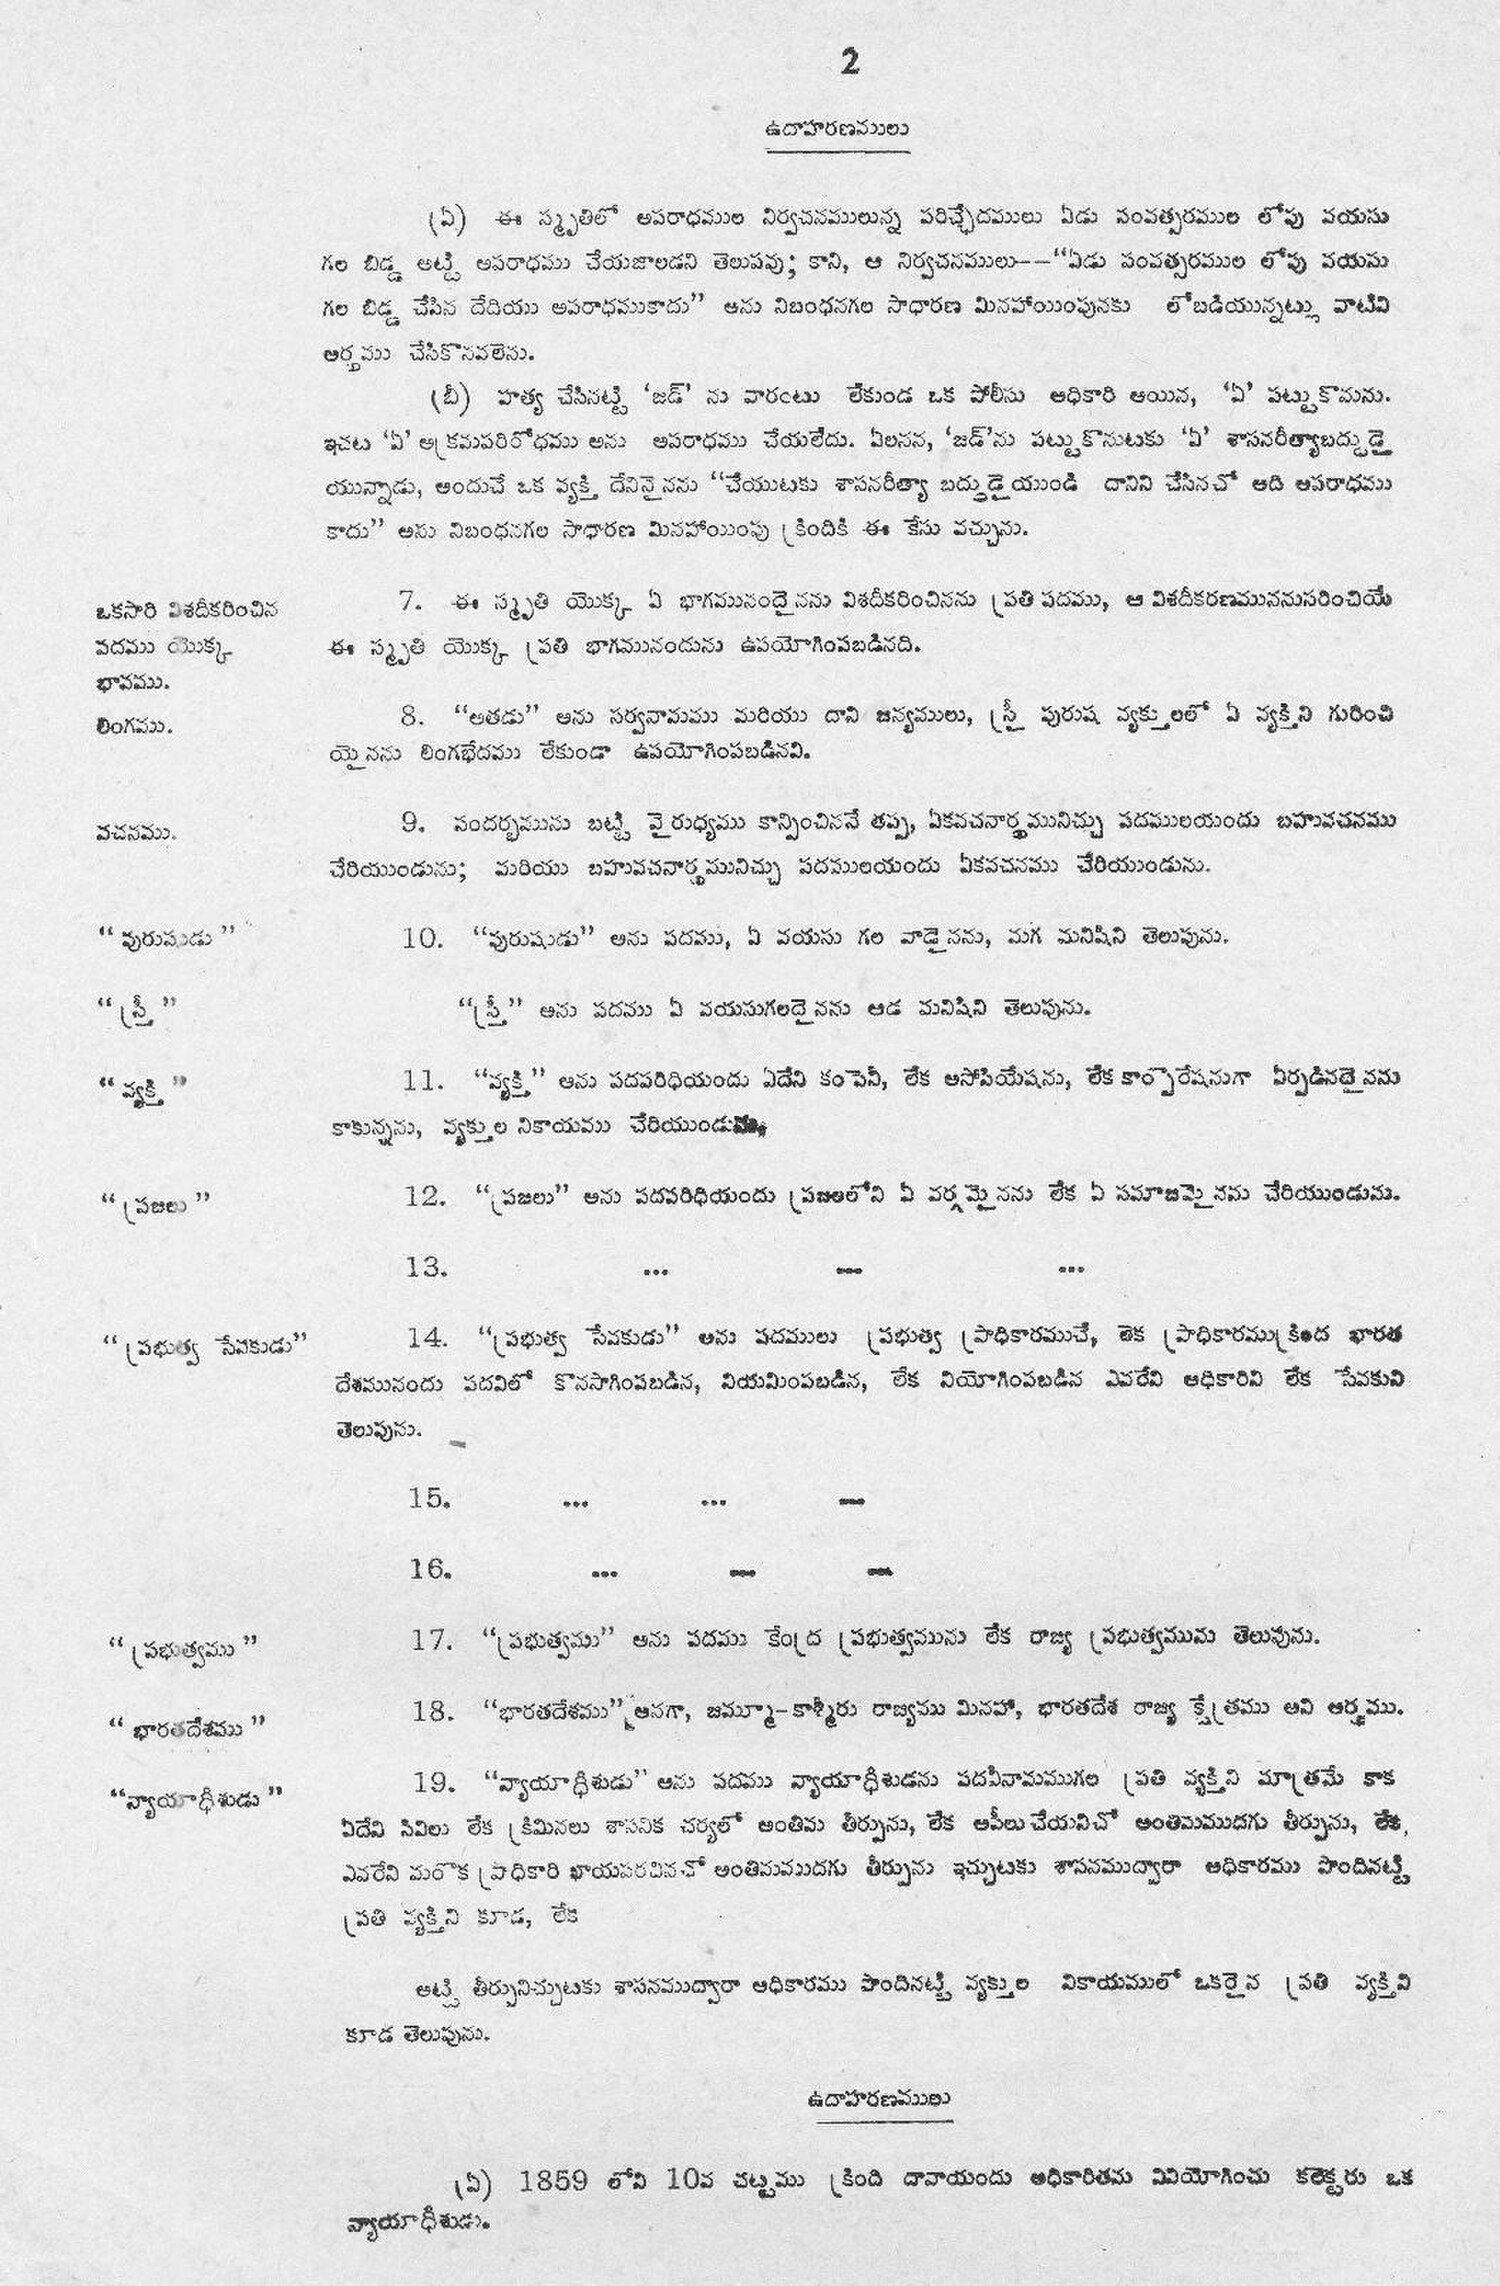(ఏ) ఈ స్మృతిలో అపరాధముల నిర్వచనములున్న పరిచ్ఛేదములు ఏడు సంవత్సరముల లోపు వయసు గల బిడ్డ అట్టి అపరాధము చేయజాలడని తెలుపవు; కాని, ఆ నిర్వచనములు -- “ఏడు సంవత్సరముల లోపు వయసు గల బిడ్డ చేసిన దేదియు అపరాధముకాదు” అను నిబంధనగల సాధారణ మినహాయింపునకు లోబడియున్నట్లు వాటిని అర్ధము చేసికొనవలెను.

(బి) హత్య చేసినట్టి 'జడ్' ను వారంటు లేకుండ ఒక పోలీసు అధికారి అయిన, 'ఏ' పట్టు కొనును. ఇచట 'ఏ' అక్రమపరిరోధము అను అపరాధము చేయలేదు. ఏలనన, 'జడ్'ను పట్టుకొనుటకు 'ఏ' శాసనరీత్యా బద్దుడై యున్నాడు. అందుచే ఒక వ్యక్తి దేనినైనను "చేయుటకు శాసనరీత్యా బద్దుడై యుండి దానిని చేసినచో అది అపరాధము
కాదు” అను నిబంధనగల సాధారణ మినహాయింపు క్రిందికి ఈ కేసు వచ్చును.

ఒకసారి విశదీకరించిన పదము యొక్క భావము.

7. ఈ స్మృతి యొక్క ఏ భాగమునందైనను విశదీకరించినను ప్రతి పదము, ఆ విశదీకరణముననుసరించియే
ఈ స్మృతి యొక్క ప్రతి భాగమునందును ఉపయోగింపబడినది.

లింగము.

8. "అతడు" అను సర్వనామము మరియు దాని జన్యములు, స్త్రీ పురుష వ్యక్తులలో ఏ వ్యక్తిని గురించి
యైనను లింగభేదము లేకుండా ఉపయోగింపబడినవి.

వచనము.

9. సందర్భమును బట్టి వైరుధ్యము కాన్పించిననే తప్ప, ఏకవచనార్థమునిచ్చు పదములయందు బహువచనము
చేరియుండును; మరియు బహువచనార్ధమునిచ్చు పదములయందు ఏకవచనము చేరియుండును.

“పురుషుడు"

10. "పురుషుడు” అను పదము, ఏ వయసు గల వాడైనను, మగ మనిషిని తెలుపును.

“స్త్రీ " 

“స్త్రీ "అను పదము ఏ వయసుగలదైనను ఆడ మనిషిని తెలుపును.

"వ్యక్తి "

11. "వ్యక్తి " అను పదపరిధియందు ఏదేని కంపెనీ, లేక అసోసియేషను, లేక కార్పొరేషనుగా ఏర్పడినదైనను
కాకున్నను, వ్యక్తుల నికాయము చేరియుండును.

“ప్రజలు ”

12. "ప్రజలు" అను పదపరిధియందు ప్రజలలోని ఏ వర్గమైనను లేక ఏ సమాజమైనము చేరియుండును.

13. ... ... ... ...

“ప్రభుత్వ సేవకుడు"

14. "ప్రభుత్వ సేవకుడు" అను పదములు ప్రభుత్వ ప్రాధికారముచే, లేక ప్రాధికారము క్రింద భారత
దేశమునందు పదవిలో కొనసాగింపబడిన, నియమింపబడిన, లేక నియోగింపబడిన ఎవరేని అధికారిని లేక సేవకుని
తెలుపును.

15. ... ... ... ...

16. ... ... ... ...

“ ప్రభుత్వము "

17. "ప్రభుత్వము” అను పదము. కేంద్ర ప్రభుత్వమును లేక రాజ్య ప్రభుత్వమును తెలుపును.

“భారతదేశము "

18. భారతదేశము" ఆనగా, జమ్మూ-కాశ్మీరు రాజ్యము మినహా, భారతదేశ రాజ్య క్షేత్రము అని అర్ధము.

“న్యాయాధీశుడు"

19. “న్యాయాధీశుడు" అను పదము న్యాయాధీశుడను పదవీనామముగల ప్రతి వ్యక్తిని మాత్రమే కాక
ఏదేని సివిలు లేక క్రిమినలు శాసనిక చర్యలో అంతిమ తీర్పును, లేక అపీలు చేయనిచో అంతిమముదగు తీర్పును,లేక
ఎవరేని మరొక ప్రాధికారి ఖాయపరచిన అంతిమముదగు తీర్పును ఇచ్చుటకు శాసనము ద్వారా అధికారము పొందినట్టి
ప్రతి వ్యక్తిని కూడ, లేక

అట్టి తీర్పునిచ్చుటకు శాసనము ద్వారా అధికారము పొందినట్టి వ్యక్తుల వికాయములో ఒకరైన ప్రతి వ్యక్తిని
కూడ తెలుపును.

(ఏ) 1859 లోని 10వ చట్టము క్రింది దావాయందు అధికారితను వినియోగించు కలెక్టరు ఒక న్యాయాధీశుడు